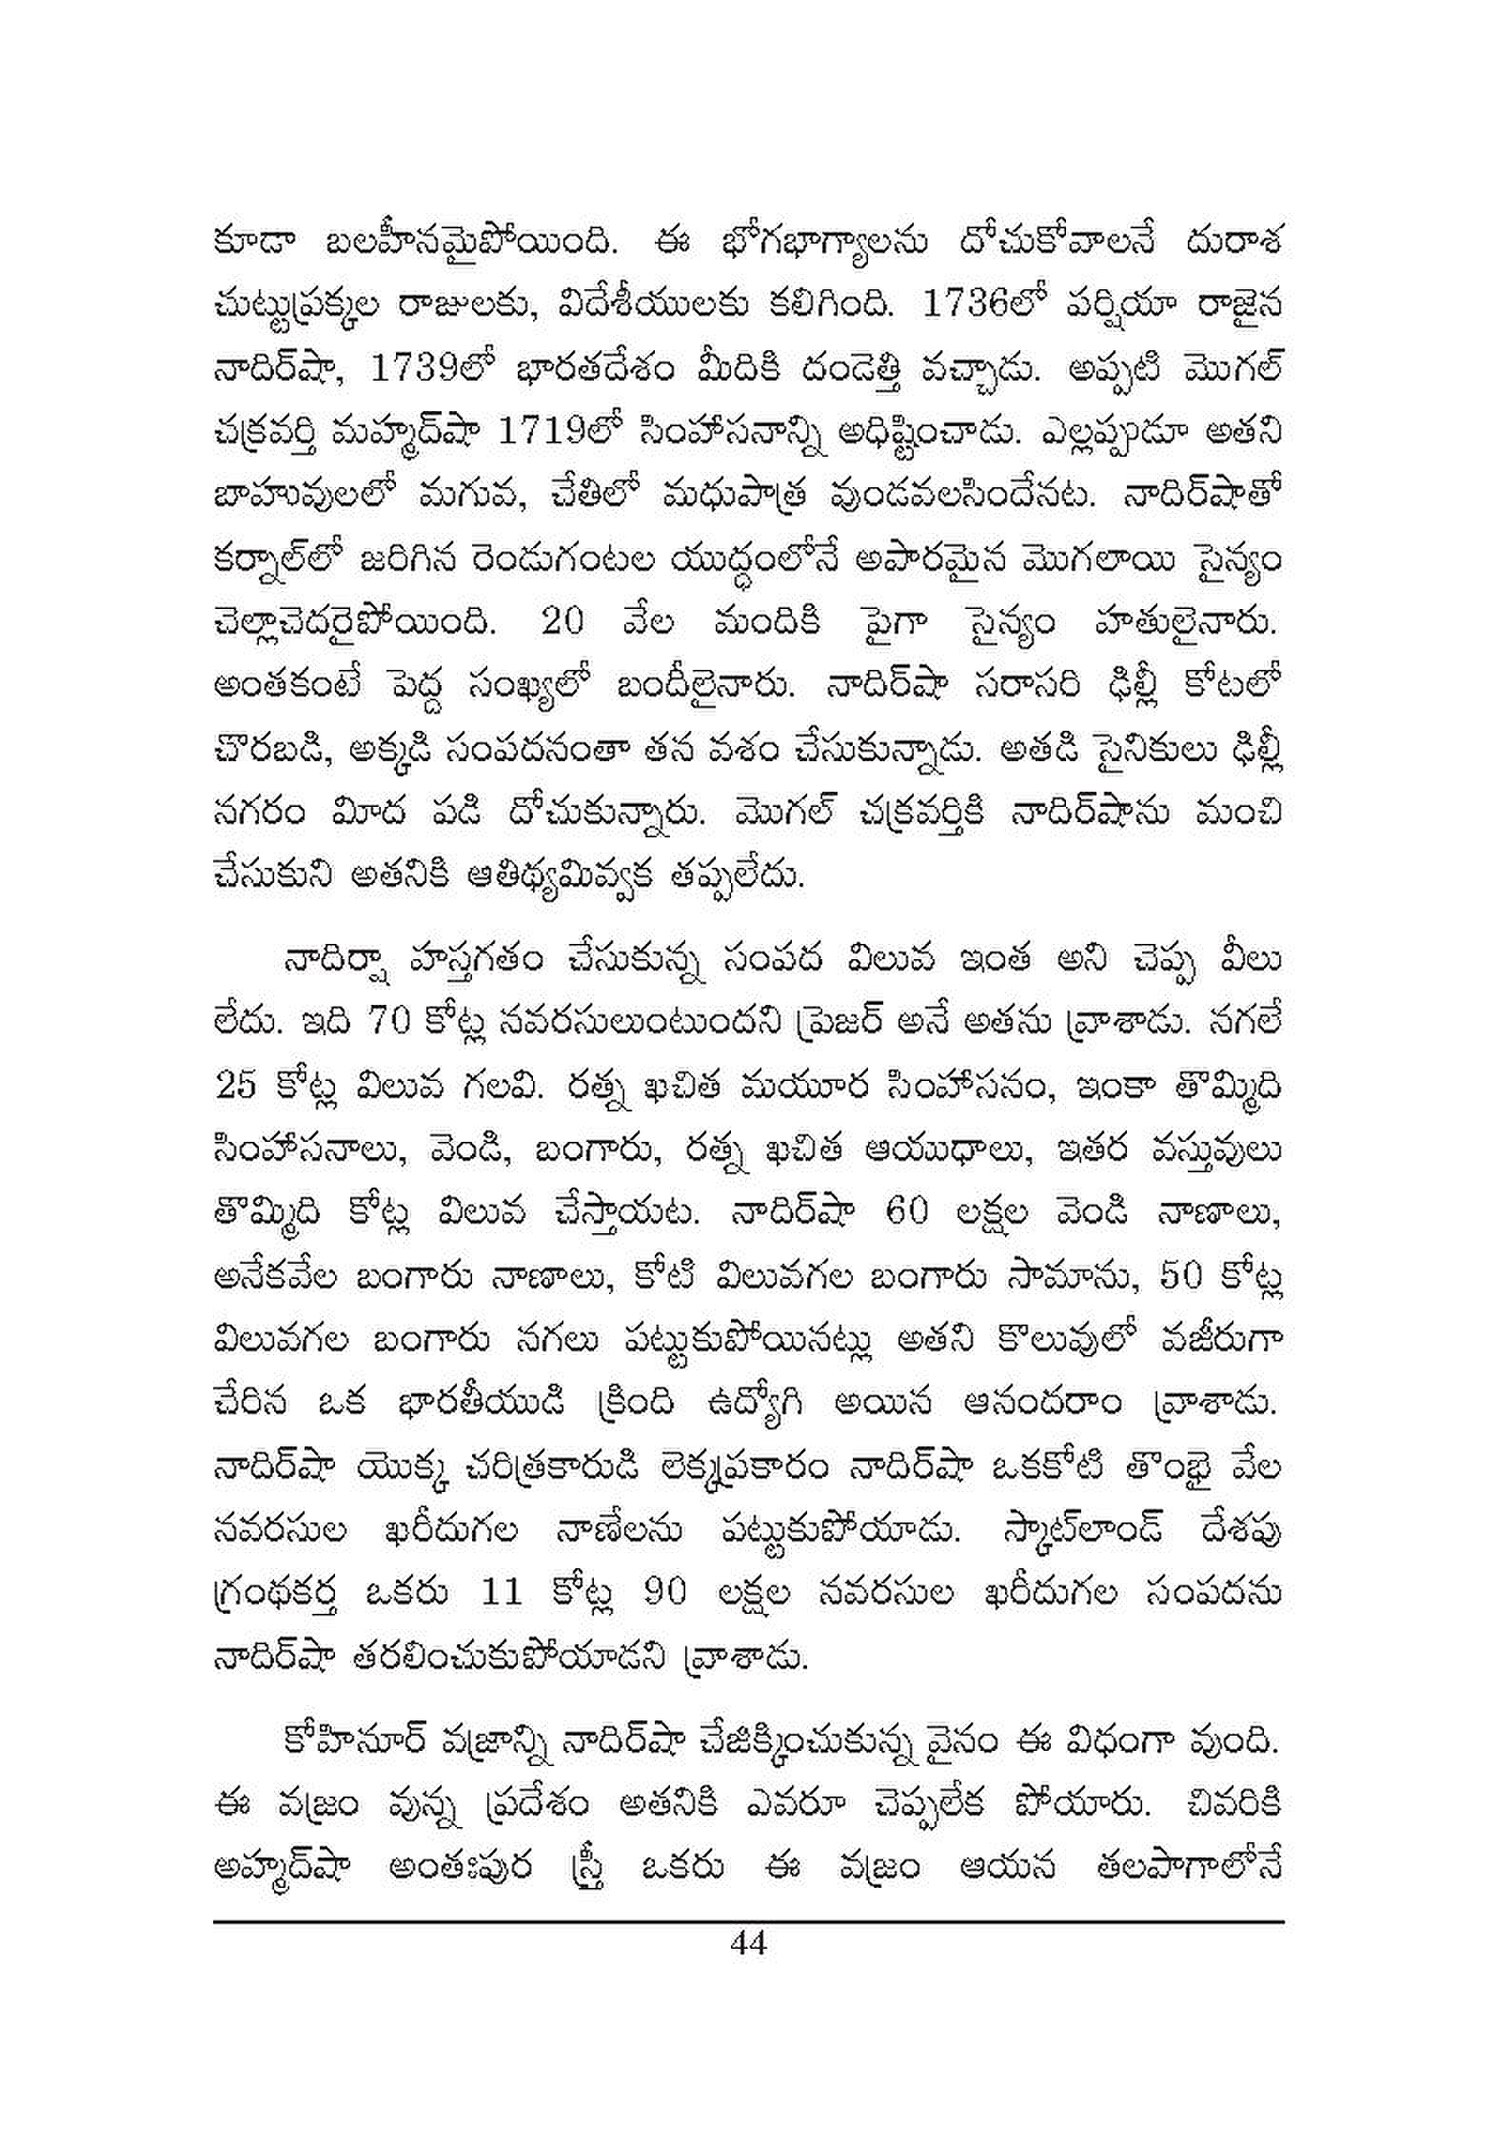కూడా బలహీనమైపోయింది. భోగభాగ్యాలను దోచుకోవాలనే దురాశ చుట్టుప్రక్కల రాజులకు, విదేశీయులకు కలిగింది. 1786లో పర్షియా రాజైన నాదిర్షా 1789లో భారతదేశం మీదికి దండెత్తి వచ్చాడు. అప్పటి మొగల్ చక్రవర్తి మహ్మద్షా 1719లో సింహాసనాన్ని అధిష్టించాడు. ఎల్లపుడూ అతని బాహువులలో మగువ, చేతిలో మధుపాత్ర వుండవలసిందేనట. నాదిర్షాతో కర్నాల్లో జరిగిన రెండుగంటల యుద్ధంలోనే అపారమైన మొగలాయి సైన్యం చెల్లాచెదరైపోయింది. 20 వేల మందికి పైగా సైన్యం హతులైనారు. అంతకంటే పెద్ద సంఖ్యలో బందీలైనారు. నాదిర్షా సరాసరి ఢిల్లీ కోటలో చొరబడి, అక్కడి సంపదనంతా తన వశం చేసుకున్నాడు. అతడి సైనికులు ఢిల్లీ నగరం విూద పడి దోచుకున్నారు. మొగల్ చక్రవర్తికి నాదిర్షాను మంచి చేసుకుని అతనికి ఆతిథ్యమివ్వక తప్పలేదు.

నాదిర్షా హస్తగతం చేసుకున్న సంపద విలువ ఇంత అని చెప్ప వీలు లేదు. ఇది 70 కోట్ల నవరసులుంటుందని ప్రెజర్ అనే అతను వ్రాశాడు. నగలే 25 కోట్ల విలువ గలవి. రత్నఖచిత మయూర సింహాసనం, ఇంకా తొమ్మిది సింహాసనాలు, వెండి, బంగారు, రత్న ఖచిత ఆయుధాలు, ఇతర వస్తువులు తొమ్మిది కోట్ల విలువ చేస్తాయట. నాదిర్షా 60 లక్షల వెండి నాణాలు, అనేకవేల బంగారు నాణాలు, కోటి విలువగల బంగారు సామాను, 50 కోట్ల విలువగల బంగారు నగలు పట్టుకుపోయినట్లు అతని కొలువులో వజీరుగా చేరిన ఒక భారతీయుడి క్రింది ఉద్యోగి అయిన ఆనందరాం వ్రాశాడు. నాదిర్షా యొక్క చరిత్రకారుడి లెక్కప్రకారం నాదిర్షా ఒకకోటి తొంభై వేల నవరసుల ఖరీదుగల నాణేలను పట్టుకుపోయాడు. స్కాట్లాండ్ దేశపు గ్రంథకర్త ఒకరు 11 కోట్ల 90 లక్షల నవరసుల ఖరీదుగల సంపదను నాదిర్షా తరలించుకుపోయాడని వ్రాశాడు.

కోహినూర్ వజ్రాన్ని నాదిర్షా చేజిక్కించుకున్న వైనం ఈ విధంగా వుంది. ఈ వజ్రం వున్న ప్రదేశం అతనికి ఎవరూ చెప్పలేక పోయారు. చివరికి అహ్మద్షా అంతఃపుర స్త్రీ ఒకరు ఈ వజ్రం ఆయన తలపాగాలోనే